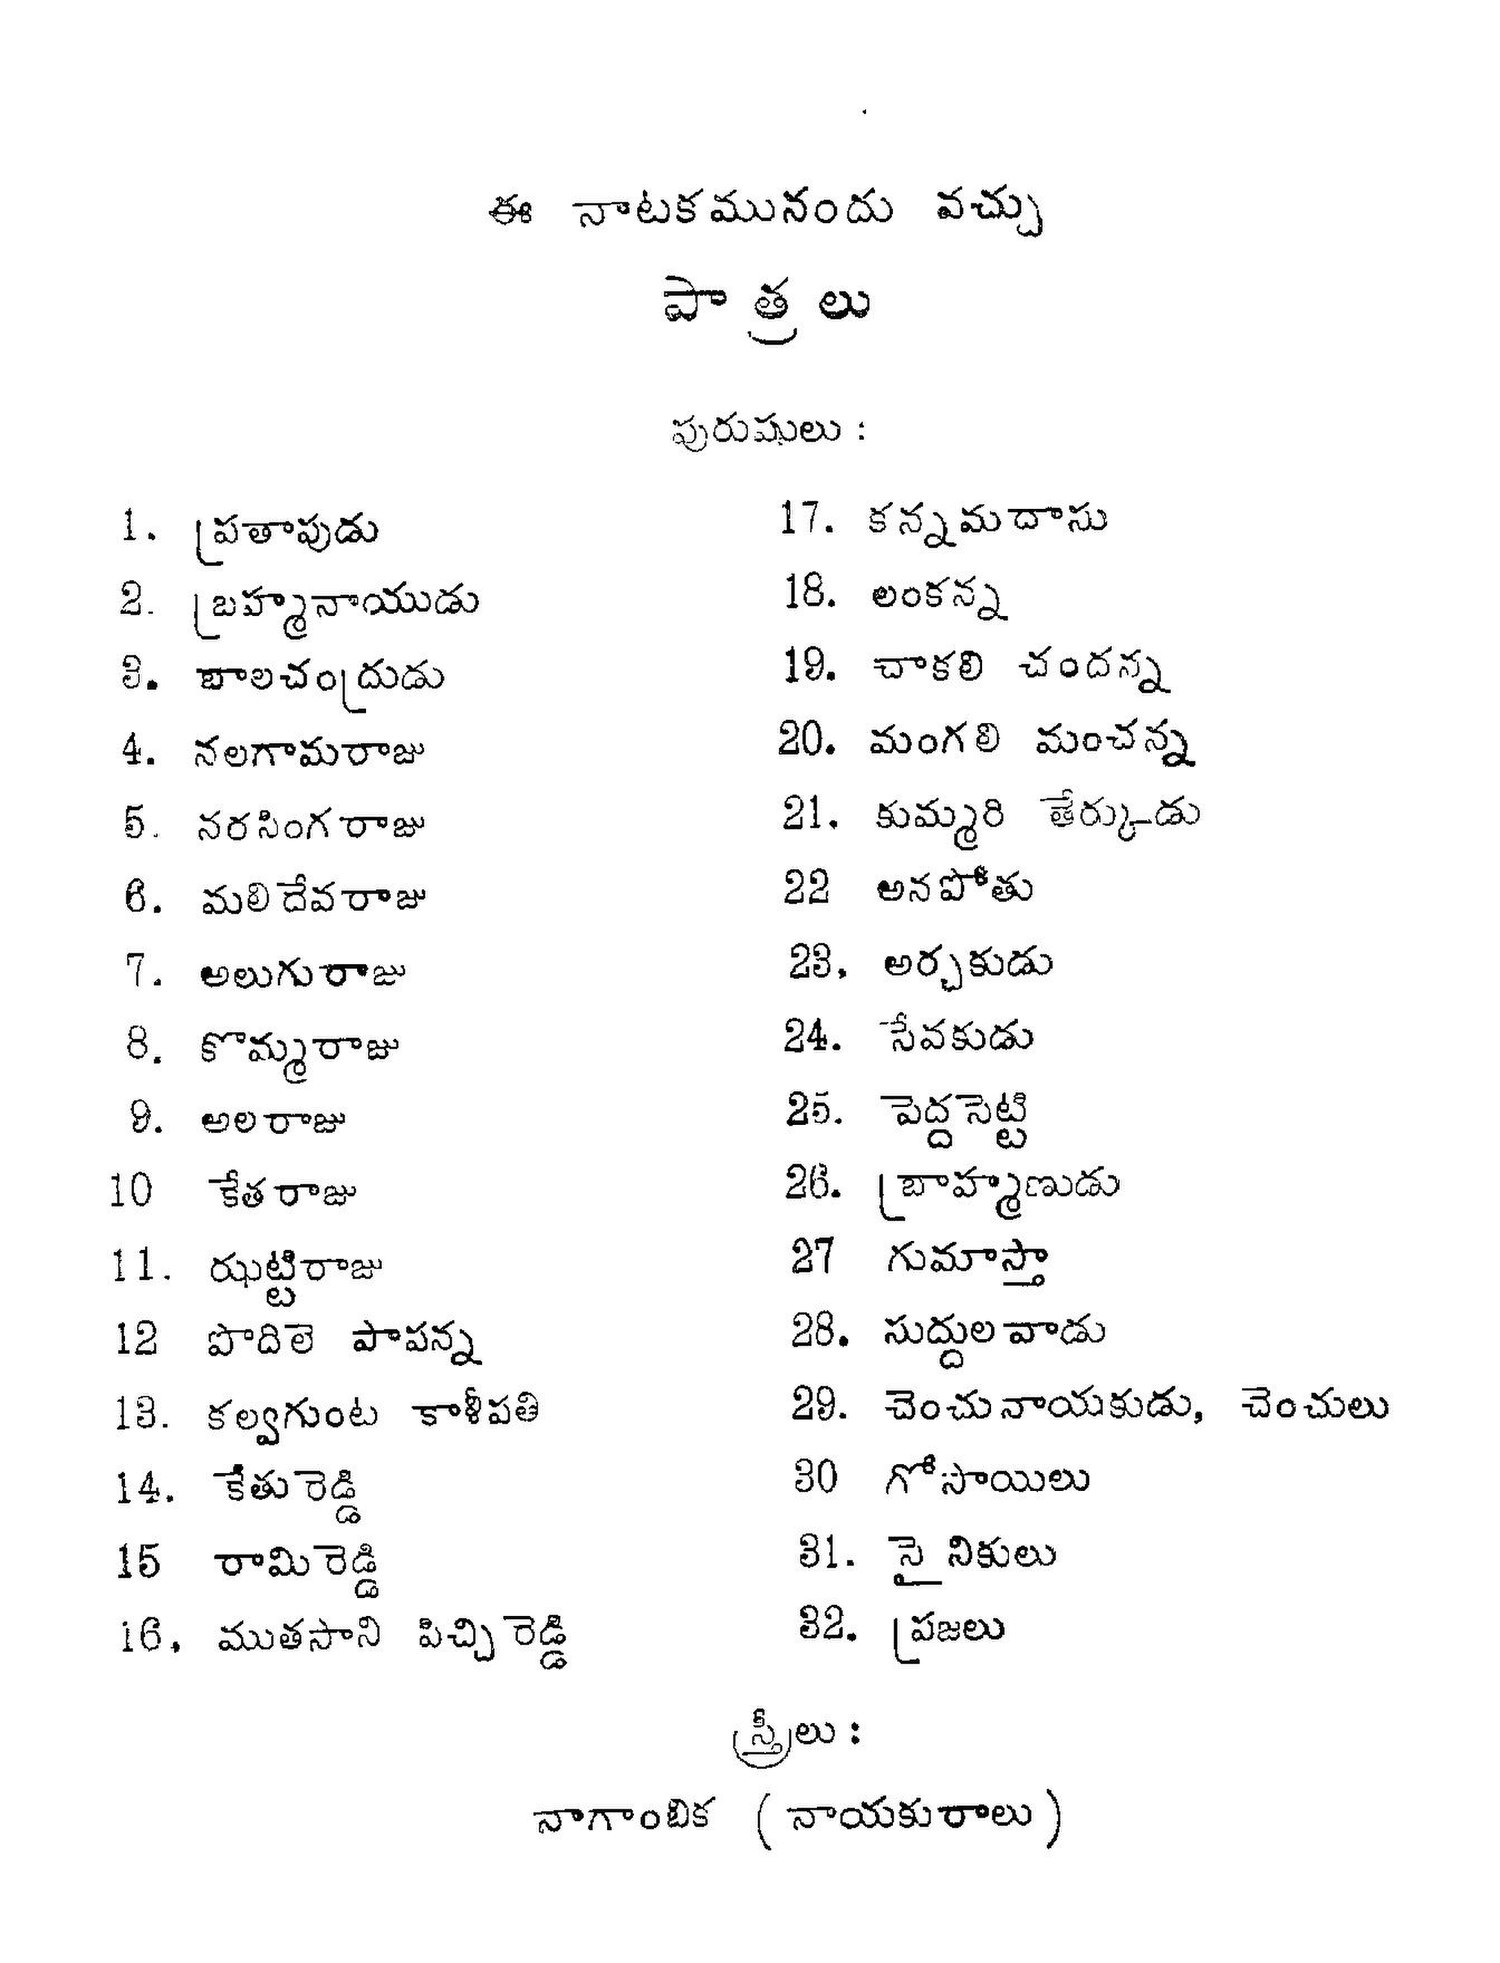పాత్రలు

1. ప్రతాపుడు 

2. బ్రహ్మనాయుడు

3. బాలచంద్రుడు

4. నలగామరాజు

5. నరసింగరాజు

6. మలిదేవరాజు

7. అలుగురాజు

8. కొమ్మరాజు

9. అలరాజు

10 కేత రాజు

11. ఝుట్టిరాజు

12 పొదిలె పాపన్న

13. కల్వగుంట కాశీపతి

14. కేతురెడ్డి

15 రామిరెడ్డి

16. ముతసాని పిచ్చిరెడ్డి

17. కన్నమదాసు

18. లంకన్న

19. చాకలి చందన్న

20. మంగలి మంచన్న

21. కుమ్మరి తేర్కుడు

22. అనపోతు

23. అర్చకుడు

24. సేవకుడు

25. పెద్దసెట్టి

26. బ్రాహ్మణుడు

27. గుమాస్తా

28. సుద్దులవాడు

29. చెంచునాయకుడు, చెంచులు

30. గోసాయిలు

31. సైనికులు

32. ప్రజలు

స్త్రీలు : నాగాంబిక (నాయకురాలు)